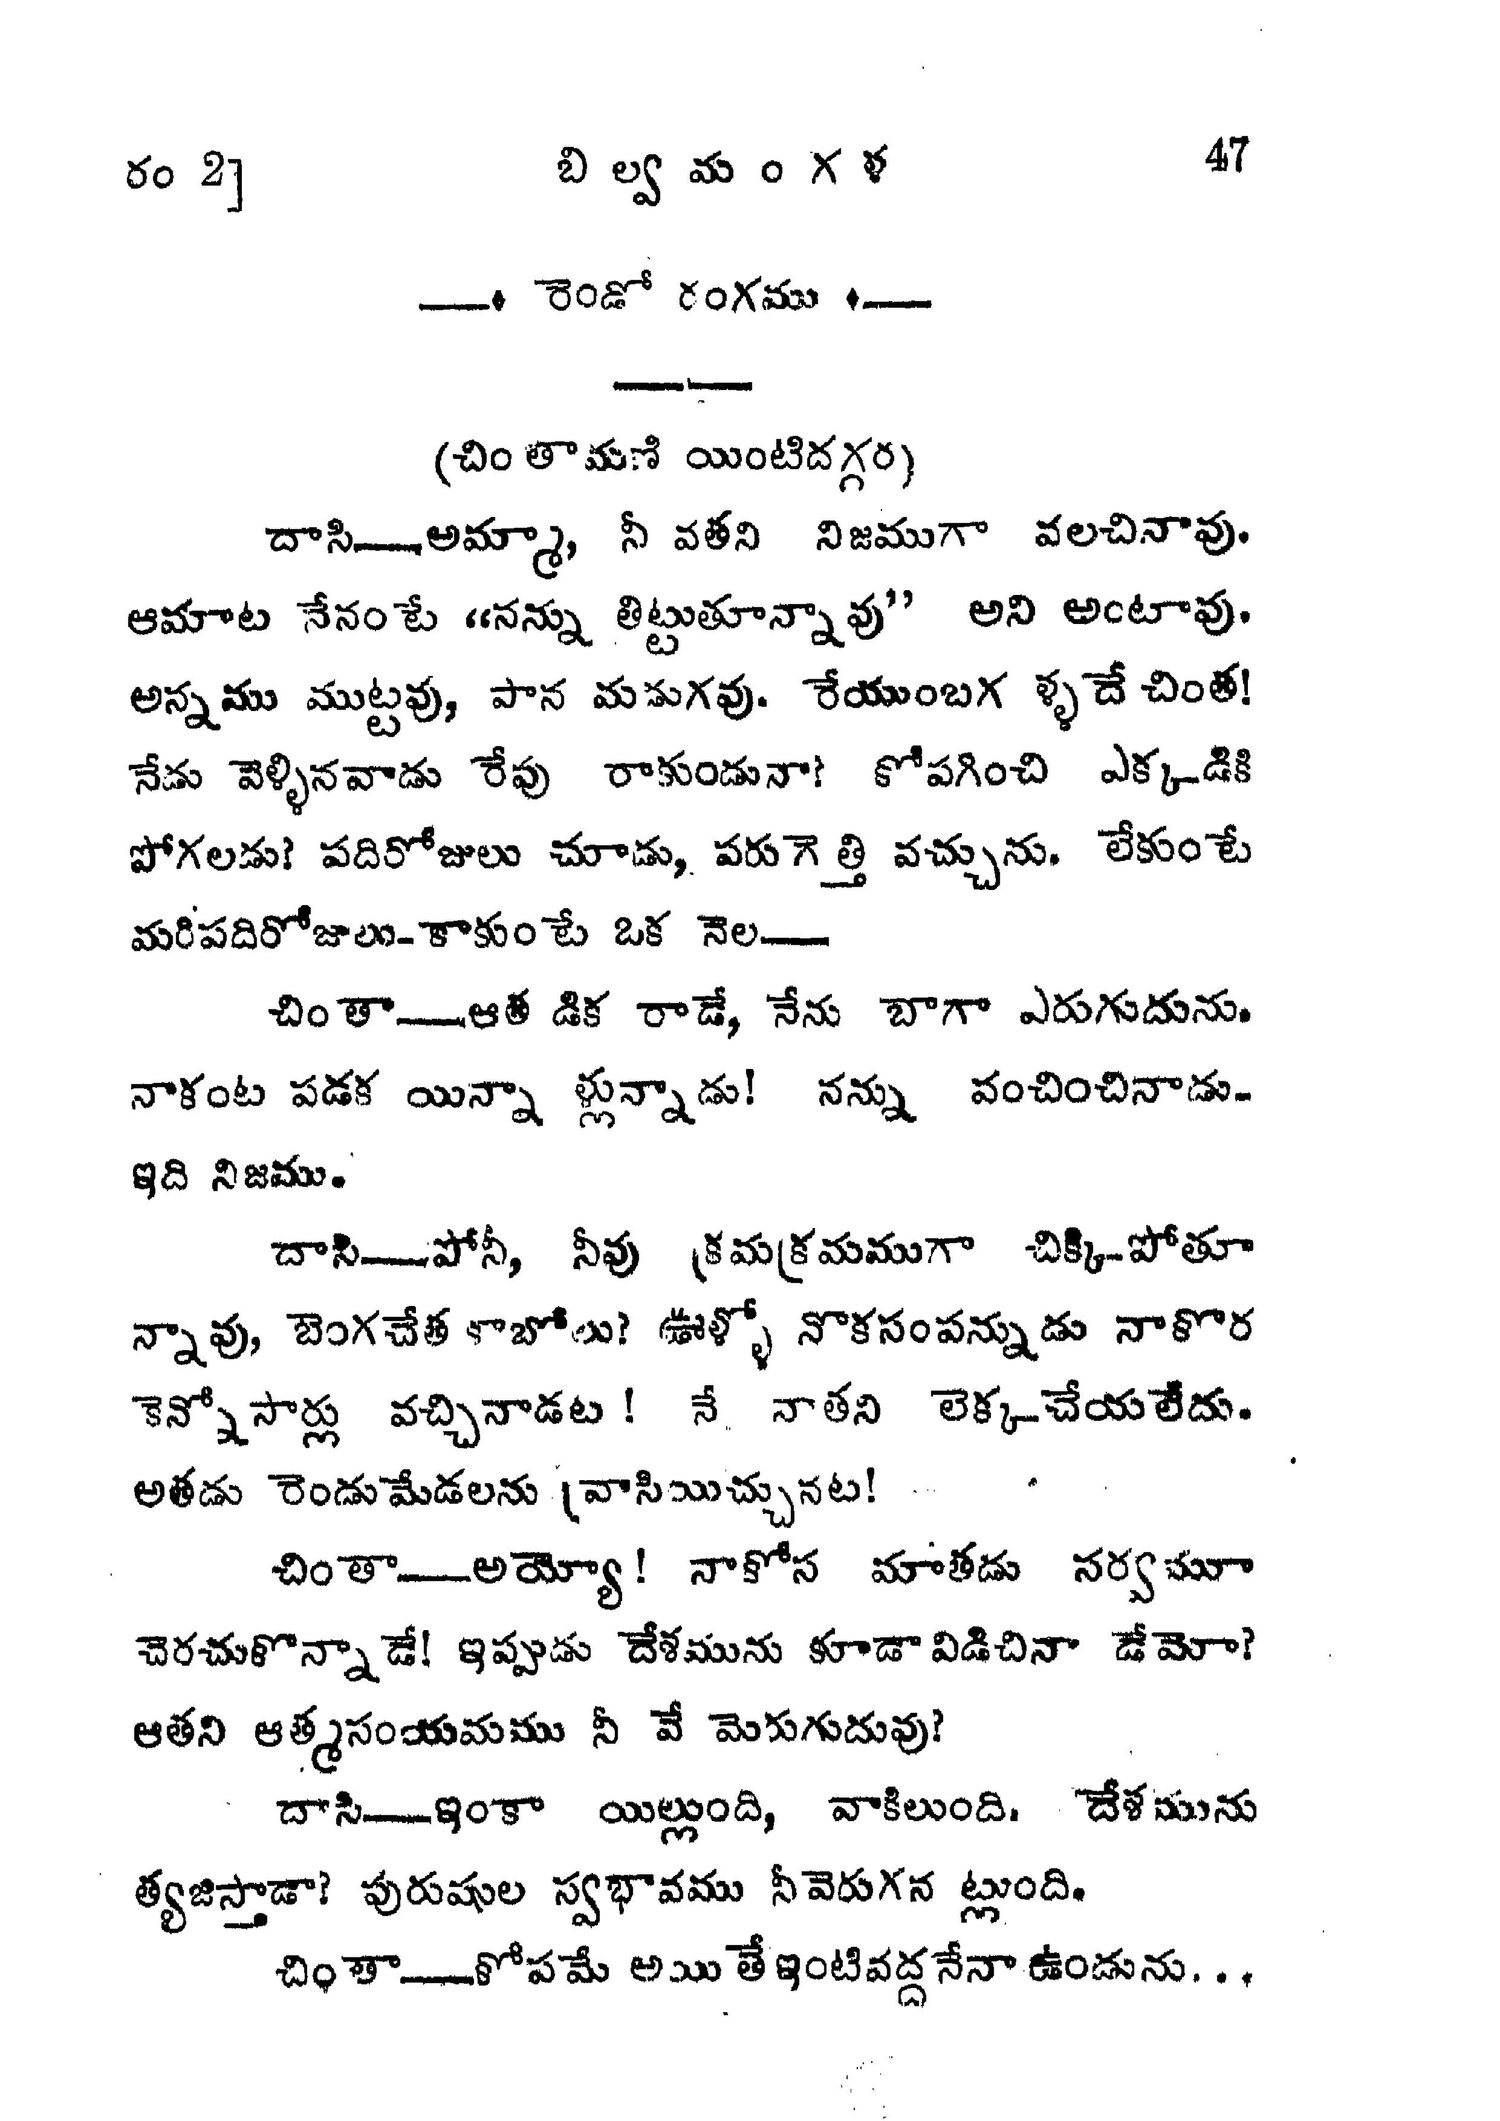దాసి - అమ్మా, నీ వతని నిజముగా వలచినావు. ఆమాట నేనంటే "నన్ను తిట్టుతూన్నావు" అని అంటావు. అన్నము ముట్టవు, పాన మడుగవు. రేయుంబగ ళ్ళదే చింత! నేడు వెళ్ళినవాడు రేపు రాకుండునా? కోపగించి ఎక్కడికి పోగలడు? పదిరోజులు చూడు, పరుగెత్తి వచ్చును. లేకుంటే మరిపదిరోజులు-కాకుంటే ఒక నెల -

చింతా - ఆత డిక రాడే, నేను బాగా ఎరుగుదును. నాకంట పడక యిన్నా ళ్లున్నాడు! నన్ను వంచించినాడు. ఇది నిజము.

దాసి - పోనీ, నీవు క్రమక్రమముగా చిక్కిపోతూన్నావు, బెంగచేత కాబోలు? ఊళ్ళో నొకసంపన్నుడు నాకొరకెన్నోసార్లు వచ్చినాడట ! నే నాతని లెక్కచేయలేదు. అతడు రెండుమేడలను వ్రాసియిచ్చునట!

చింతా - అయ్యో ! నాకోస మాతడు సర్వమూ చెరచుకొన్నాడే! ఇప్పుడు దేశమును కూడా విడిచినా డేమో? ఆతని ఆత్మసంయమము నీ వే మెరుగుదువు?

దాసి - ఇంకా యిల్లుంది, వాకిలుంది. దేశమును త్యజిస్తాడా? పురుషుల స్వభావము నీవెరుగన ట్లుంది.

చింతా - కోపమే అయితే ఇంటివద్దనేనా ఉండును...